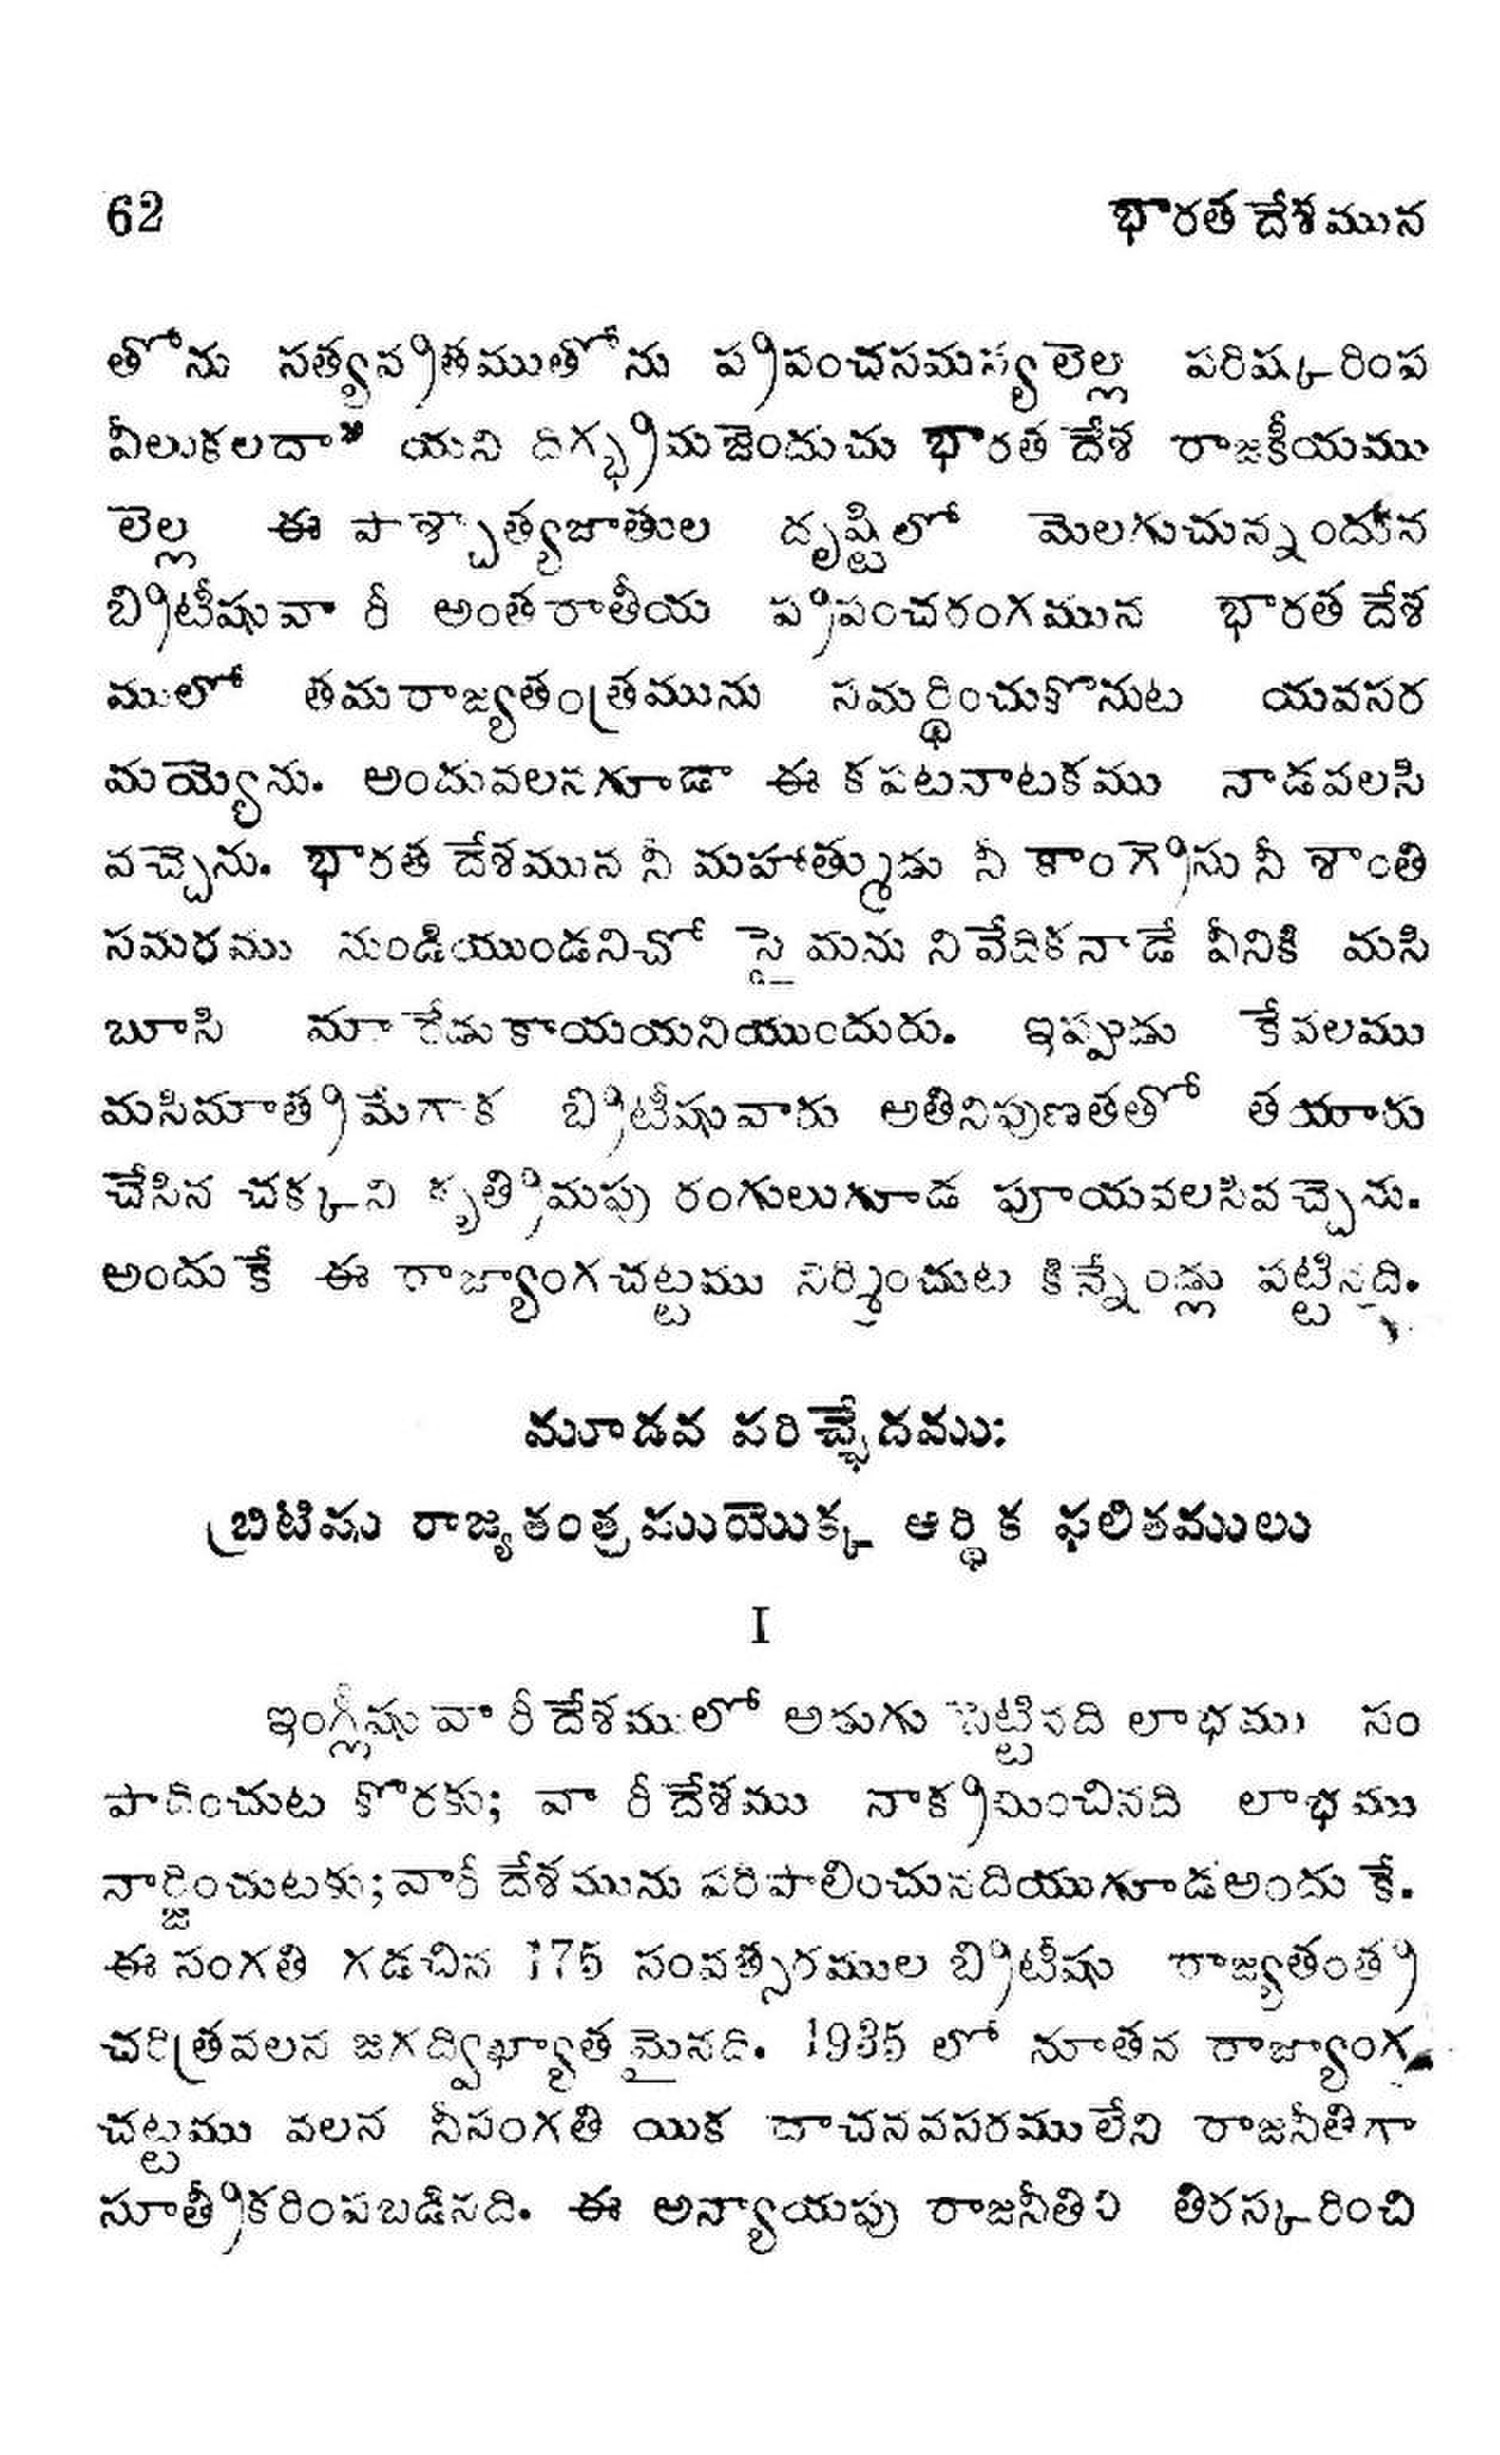తోను సత్యవ్రతముతోను ప్రపంచసమస్యలెల్ల పరిష్కరింప వీలుకలదా" యని దిగ్భ్రమజెందుచు భారతదేశ రాజకీయము లెల్ల ఈ పాశ్చాత్యజాతుల దృష్టిలో మెలగుచున్నందున బ్రిటీషువారీ అంతర్జాతీయ ప్రపంచరంగమున భారతదేశములో తమరాజ్యతంత్రమును సమర్ధించుకొనుట యవసరమయ్యెను. అందువలనగూడా ఈ కపటనాటకము నాడవలసి వచ్చెను. భారతదేశమున నీ మహాత్ముడు నీ కాంగ్రెసు నీ శాంతిసమరము నుండియుండనిచో సైమను నివేదికనాడే వీనికి మసిబూసి మారేడుకాయయనియుందురు. ఇప్పుడు కేవలము మసిమాత్రమేగాక బ్రిటీషువారు అతినిపుణతతో తయారుచేసిన చక్కని కృతిమపు రంగులుగూడ పూయవలసివచ్చెను. అందుకే ఈ రాజ్యాంగచట్టము నిర్మించుట కిన్నేండ్లు పట్టినది.

మూడవ పరిచ్ఛేదము: 
బ్రిటిషు రాజ్యతంత్రముయొక్క ఆర్థిక ఫలితములు
I

ఇంగ్లీషువారీదేశములో అడుగు పెట్టినది లాభము సంపాదించుట కొరకు; వా రీదేశము నాక్రమించినది. లాభము నార్జించుటకు; వారీదేశమును పరిపాలించునదియుగూడఅందుకే. ఈ సంగతి గడచిన 175 సంవత్సరముల బ్రిటీషు రాజ్యతంత్రచరిత్రవలన జగద్విఖ్యాతమైనది. 1935 లో నూతన రాజ్యాంగ చట్టము వలన నీసంగతి యిక దాచనవసరము లేని రాజనీతిగా సూత్రీకరింపబడినది. ఈ అన్యాయపు రాజనీతిని తిరస్కరించి